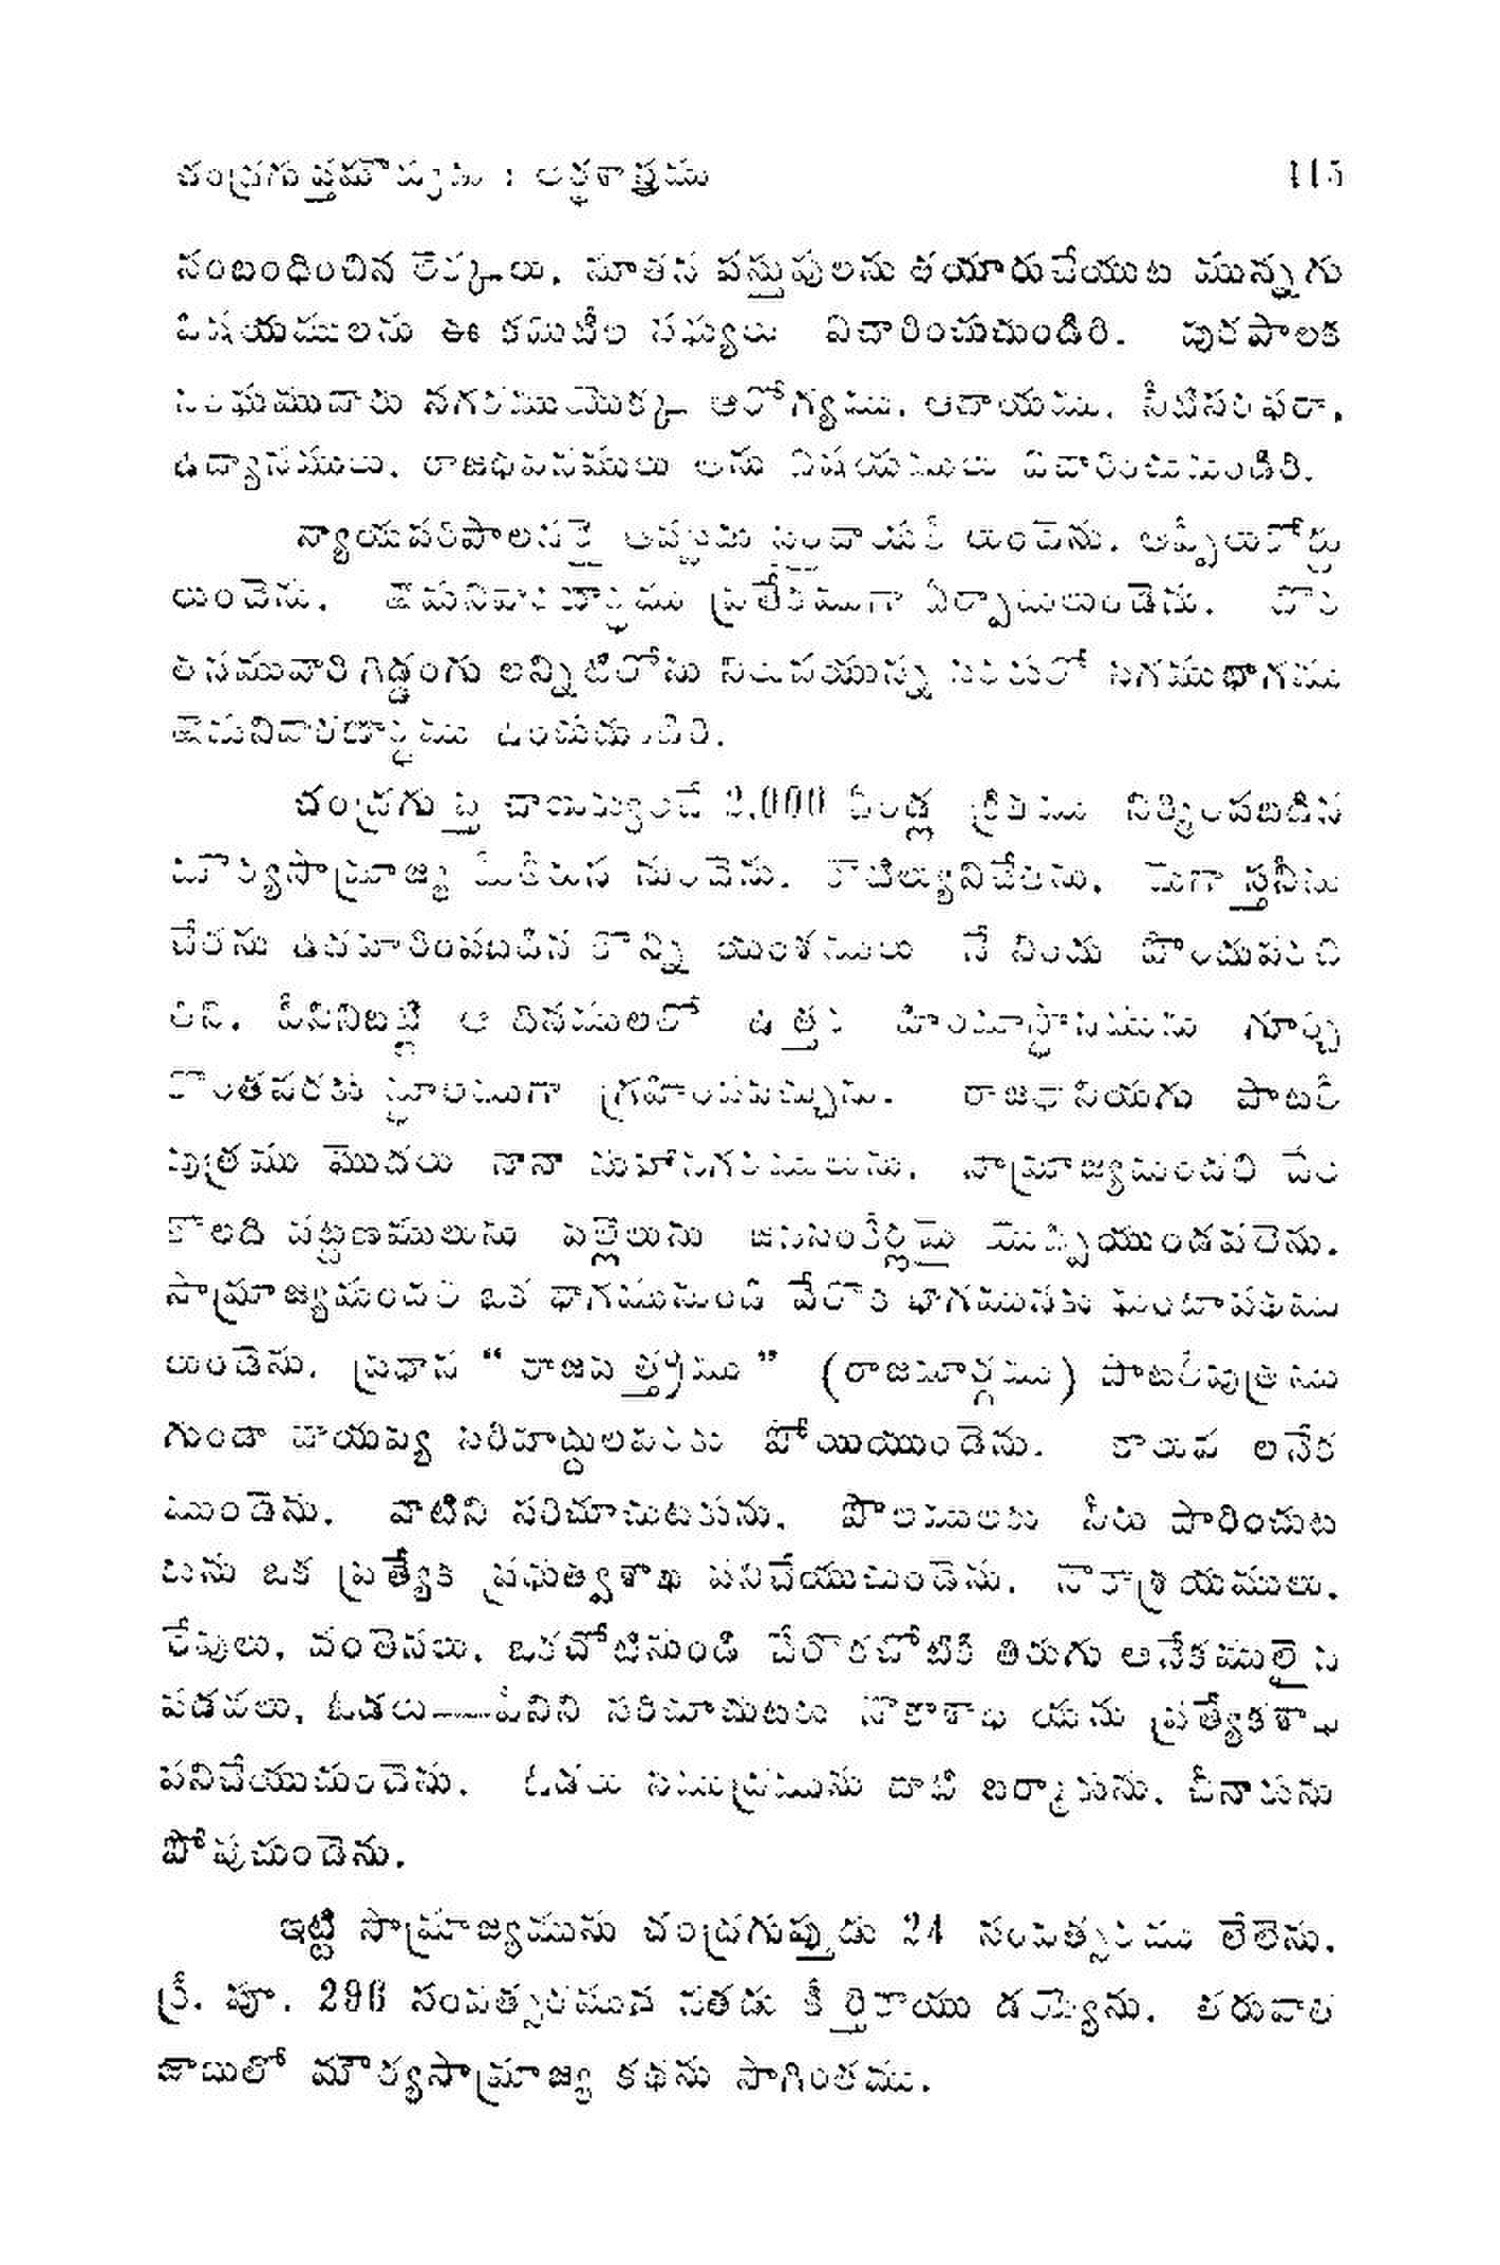సంబంధించినలెక్కలు, నూతన వస్తువులను తయారుచేయుట మున్నగు విషయములను ఈ కమిటీల సభ్యులు విచారించుచుండిరి. పురపాలక సంఘమువారు నగరముయొక్క ఆరోగ్యము, ఆదాయము, నీటిసరపరా, ఉద్యానములు, రాజభవనములు అను విషయములు విచారించుచుండిరి.

న్యాయపరిపాలనకై అప్పుడు పంచాయతీ లుండెను. అప్పీలుకోర్టు లుండెను. క్షామనివారణార్ధము ప్రత్యేకముగా ఏర్పాటులుండెను. దొరతనమువారి గిడ్డంగు లన్నిటిలోను నిలువయున్న సరకులో సగముభాగము క్షేమనివారణార్థము ఉంచుచుండిరి.

చంద్రగుప్త చాణుక్యులచే 2,000 ఏండ్ల క్రితము నిర్మింపబడిన మౌర్యసామ్రాజ్య మేతీరున నుండెను.కౌటిల్యునిచేతను, మెగాస్తనీసు చేతను ఉదహరింపబడిన కొన్ని యంశములు నే నిందు పొందుపరచితిని. వీనినిబట్టి ఆ దినములలో ఉత్తర హిందూస్థానమును గూర్చి కొంతవరకు స్థూలముగా గ్రహింపవచ్చును. రాజధానియగు పాటలీపుత్రము మొదలు నానా మహానగరములును, సామ్రాజ్యమందలి వేలకొలది పట్టణములును పల్లెలును జనసంకీర్ణమై యొప్పియుండవలెను. సామ్రాజ్యమందలి ఒక భాగమునుండి వేరొక భాగమునకు ఘంటాపథము లుండెను. ప్రధాన "రాజపత్త్రము" (రాజమార్గము) పాటలీపుత్రము గుండా వాయవ్య సరిహద్దులవరకు పోయియుండెను. కాలువ లనేక ముండెను. వాటిని సరిచూచుటకును, పొలములకు నీరు పారించుటకును ఒక ప్రత్యేక ప్రభుత్వశాఖ పనిచేయుచుండెను. నౌకాశ్రయములు, రేవులు, వంతెనలు, ఒకచోటనుండి వేరొకచోటికి తిరుగు అనేకములైన పడవలు, ఓడలు - వీనిని సరిచూచుటకు నౌకాశాఖ యను ప్రత్యేకశాఖ పనిచేయుచుండెను. ఓడలు సముద్రమును దాటి బర్మాకును, చీనాకును పోవుచుండెను.

ఇట్టి సామ్రాజ్యమును చంద్రగుప్తుడు 24 సంవత్సరము లేలెను. క్రీ. పూ. 296 సంవత్సరమున నతడు కీర్తికాయు డయ్యెను. తరువాత జాబులో మౌర్యసామ్రాజ్య కథను సాగింతము.